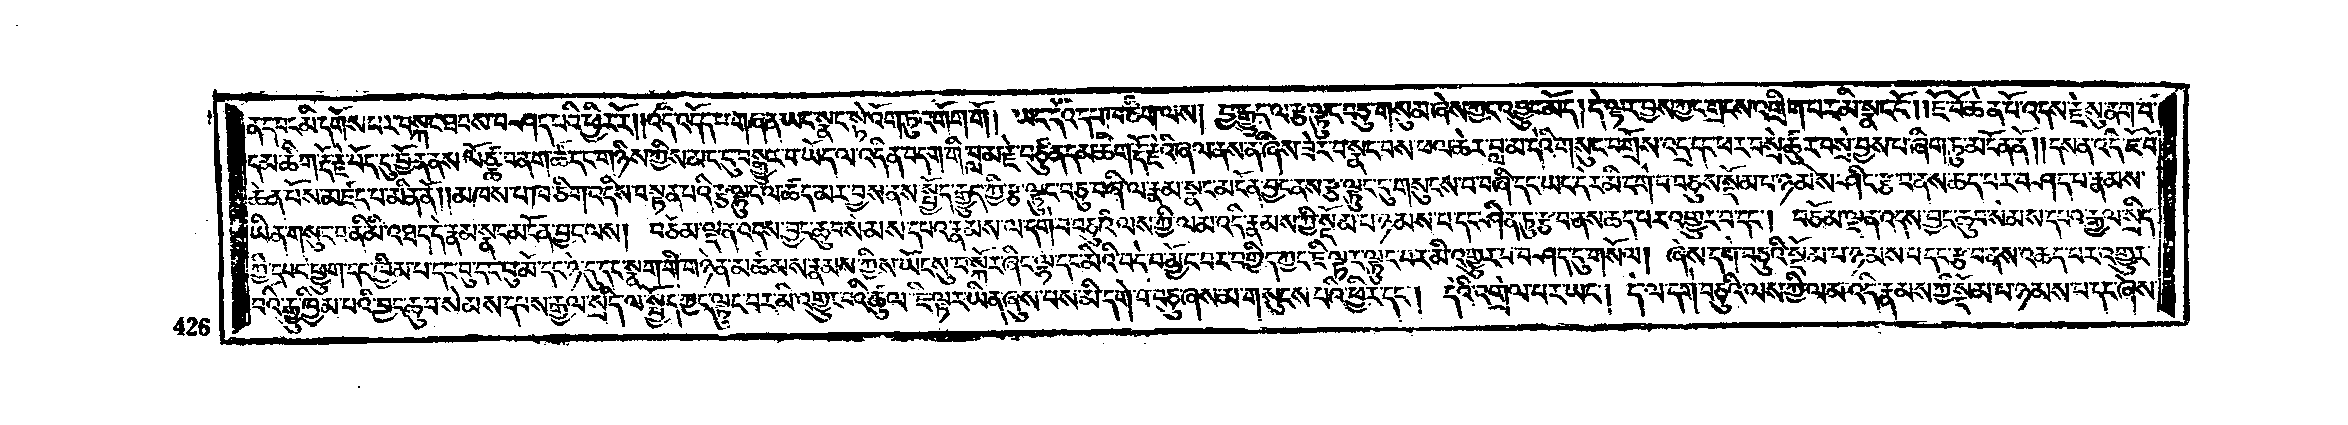ན་དབང་མི་དགོས་པར་བསྐང་ཐབས་བཤད་པའི་ཕྱིར་རོ། །འདི་འདོད་པ་གཞན་ཡང་སྣང་སྟེ་འོག་ཏུ་འགོག་གོ། ཡང་དེའི་དཔ་?་ཁ་ཅིག་ལས། བྱ་རྒྱུད་ལ་རྩ་ལྟུང་བཅུ་གསུམ་ཞེས་ཀྱང་འབྱུང་མོད། དེ་ལྟར་བྱས་ཀྱང་གྲངས་འགྲིག་པར་མི་སྣང་ངོ། །ཇོ་བོ་ཆེན་པོ་འདས་རྗེས་སུ་ནག་པོ་
དམ་ཚིག་རྡོ་རྗེ་བོད་དུ་བྱོན་ནས་ལོ་ཙྪ་བ་ནག་ཚ་དང་གཉིས་ཀྱིས་མང་དུ་བསྒྱུར་བ་ཡོད་ལ་འདི་ན་བདག་གི་བླ་མ་རྗེ་བཙུན་དམ་ཚིག་རྡོ་རྗེའི་ཞལ་ནས་ན་ཞིས་ཟེར་བ་སྣང་བས་ཕལ་ཆེར་བླ་མ་དེའི་གསུང་བགྲོས་འདྲ་དང་ཕར་བསྲེ་ཚུར་བསྲེ་བྱས་པ་ཞིག་ཏུ་མངོན་ནོ། །དས་ན་འདི་ཇོ་བོ་
ཆེན་པོས་མཛད་པ་མིན་ནོ། །མཁས་པ་ཁ་ཅིག་འདིས་བསྟན་པའི་རྩ་ལྟུང་ལ་ཚད་མར་བྱས་ནས་སྤྱོད་རྒྱུད་ཀྱི་རྩ་ལྟུང་བཅུ་བཞི་ལ་རྣམ་སྣང་མངོན་བྱང་ནས་རྩ་ལྟུང་དུ་གསུངས་པ་བཞི་དང་ཡང་དེར་མི་དགེ་བ་བཅུས་སྡོམ་པ་ཉམས་ཤིང་རྩ་བ་ནས་ཆད་པར་བཤད་པ་རྣམས་
ཡིན་གསུང་བ་ནི་མི་འཐད་དེ་རྣམ་སྣང་མངོན་བྱང་ལས། བཅོམ་ལྡན་འདས་བྱང་ཆུབ་སེམས་དཔའ་རྣམས་ལ་དགེ་བ་བཅུའི་ལས་ཀྱི་ལམ་འདི་རྣམས་ཀྱི་སྡོམ་པ་ཉམས་པ་དང་ཤིན་ཏུ་རྩ་བ་ནས་ཆད་པར་འགྱུར་བ་དང་། བཅོམ་ལྡན་འདས་བྱང་ཆུབ་སེམས་དཔའ་རྒྱལ་སྲིད་
ཀྱི་དབང་ཕྱུག་དང་ཁྱིམ་པ་དང་བུ་དང་བུ་མོ་དང་ཉེ་དུ་དང་སྣག་གི་གཉེན་མཚམས་རྣམས་ཀྱིས་ཡོངས་སུ་བསྐོར་ཞིང་ལྷ་དང་མིའི་བདེ་བ་མྱོང་བར་བགྱིད་ཀྱང་ཇི་ལྟར་ལྟུང་བར་མི་འགྱུར་བ་བཤད་དུ་གསོལ། ཞེས་དགེ་བཅུའི་སྡོམ་པ་ཉམས་པ་དང་རྩ་བ་ནས་འཆད་པར་འགྱུར་
བའི་རྒྱུ་ཁྱིམ་པའི་བྱང་ཆུབ་སེམས་དཔས་རྒྱལ་སྲིད་ལ་སྤྱོད་ཀྱང་ལྟུང་བར་མི་འགྱུར་བའི་ཚུལ་ཇི་ལྟར་ཡིན་ཞུས་པས་མི་དགེ་བ་བཅུ་ཞེས་མ་གསུངས་པའི་ཕྱིར་དང་། དེའི་འགྲེལ་པར་ཡང་། དེ་ལ་དགེ་བཅུའི་ལས་ཀྱི་ལམ་འདི་རྣམས་ཀྱི་སྡོམ་པ་ཉམས་པ་དང་ཞེས་